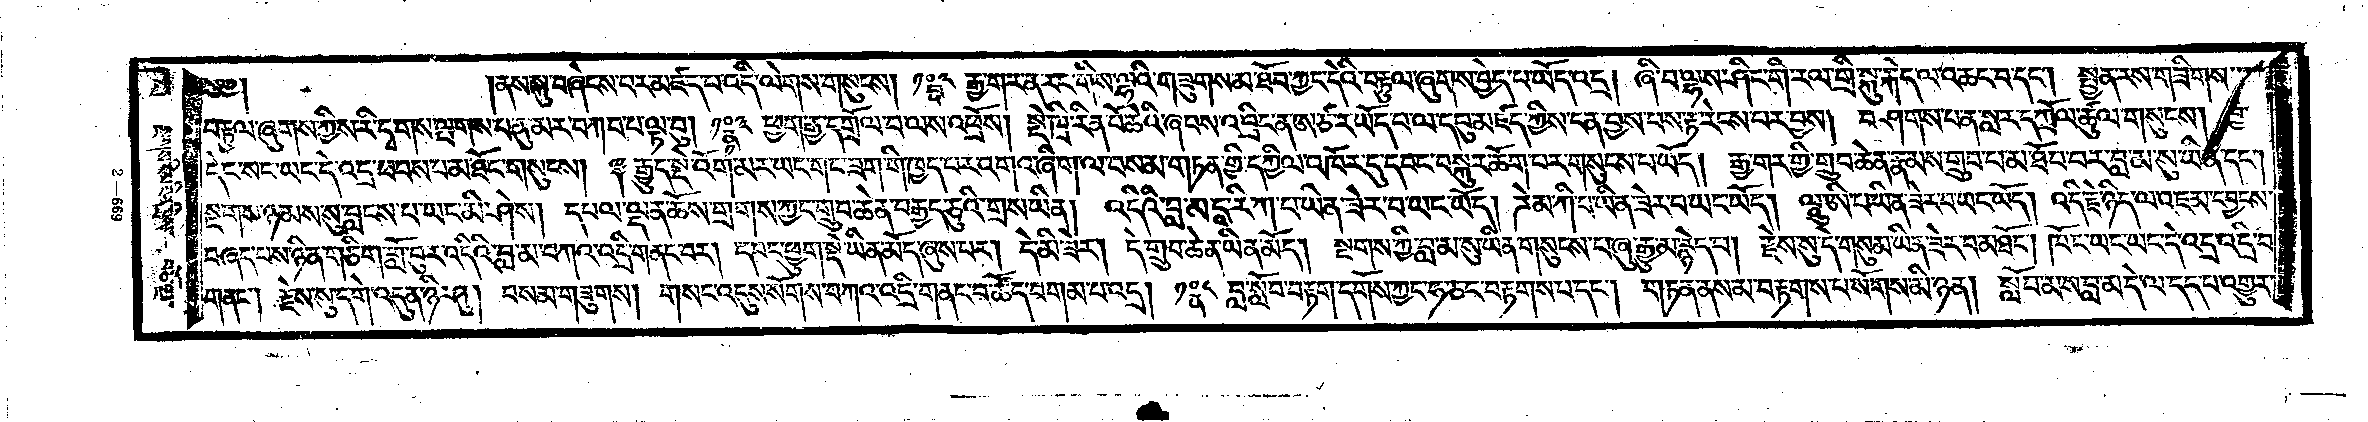༄༅། །ནས་སྐུ་བཞེངས་པར་མཛད་པ་འདི་ལེགས་གསུངས། ༡༠༢བ༥་རྒྱ་གར་ན་རང་གིས་ལྷའི་གཟུགས་མ་ཐོབ་ཀྱང་དེའི་བརྟུལ་ཞུགས་བྱེད་པ་ཡོད་འདྲ། ཞི་བ་ལྷས་ཤིང་གི་རལ་གྲི་སྐུ་རྐེད་ལ་འཆང་བ་དང་། སྤྱན་རས་གཟིགས་
བརྟུལ་ཞུགས་ཀྱིས་རི་དྭགས་ལྤགས་པ་ནུ་མར་བཀབ་པ་ལྟ་བུ། ༡༠༣ན༡་ཕྱག་རྒྱ་དགྲོལ་བ་ལས་འཕྲོས། སྡེ་ཁྲི་རིན་པོ་ཆེའི་ཞབས་འབྲིང་ན་ཨ་ཙ་ར་ཡོད་པ་ལ་དབུ་མཛད་ཀྱིས་ངན་བྱས་པས་རྟ་རེངས་པར་བྱས། བཤགས་པ་ན་སླར་དཀྲོལ་ཚུལ་གསུངས། །བྱ་
དེང་སང་ཡང་དེ་འདྲ་ཕབས་པ་མཐོང་གསུངས། ༈ རྒྱུད་སྡེ་འོག་མར་ཡང་གང་ཟག་གི་ཁྱད་པར་འགའ་ཞིག་ལ་བསམ་གཏན་གྱི་དཀྱིལ་འཁོར་དུ་དབང་བསྐུར་ཆོག་པར་གསུངས་པ་ཡོད། རྒྱ་གར་གྱི་གྲུབ་ཆེན་རྣམས་གྲུབ་པ་མ་ཐོབ་པར་བླ་མ་སུ་ཡིན་དང་། །
སྔགས་ཉམས་སུ་བླངས་པ་ཡང་མི་ཤེས། དཔལ་ལྡན་ཆོས་གྲགས་ཀྱང་གྲུབ་ཆེན་བརྒྱད་ཅུའི་གྲས་ཡིན། འདིའི་བླ་མ་དཱ་རི་ཀ་པ་ཡིན་ཟེར་བ་ལང་ཡོད། ཌེམ་ཀི་པ་ཡིན་ཟེར་བ་ཡང་ཡོད། ལཱུ་ཨི་པ་ཡིན་ཟེར་བ་ཡང་ཡོད། འདི་རྗེ་ཉིད་ལ་འཇམ་དབྱངས་
བཞད་པས་ཉིན་གཅིག་གློ་བུར་འདིའི་བླ་མ་བཀའ་འདྲི་གནང་བར། དབང་ཕྱུག་སྡེ་ཡིན་མོད་ཞུས་པར། དེ་མི་ཟེར། དེ་གྲུབ་ཆེན་ཡིན་མོད། སྔགས་ཀྱི་བླ་མ་སུ་ཡིན་གསུངས་པ་ཞུ་རྒྱུ་མ་རྙེད་བ། རྗེས་སུ་དེ་གསུམ་ཡིན་ཟེར་བ་མཐོང་། ཁོང་ཡང་ཡང་དེ་འདྲ་འདྲི་བ་
གནང་། རྗེས་སུ་དགེ་འདུན་ཉི་ཤུ། བསམ་གཟུགས། གསང་འདུས་སོགས་བཀའ་འདྲི་གནང་བ་ཚོད་པ་གམ་པ་དྲ། ༡༠༨ན་བླ་སློབ་བརྟག་དགོས་ཀྱང་ཧ་ཅང་བརྟགས་པ་དང་། གཏན་ནས་མ་བརྟགས་པ་སོགས་མི་ཉན། སློབ་མས་བླ་མ་དེ་ལ་དད་པ་འགྱུར་